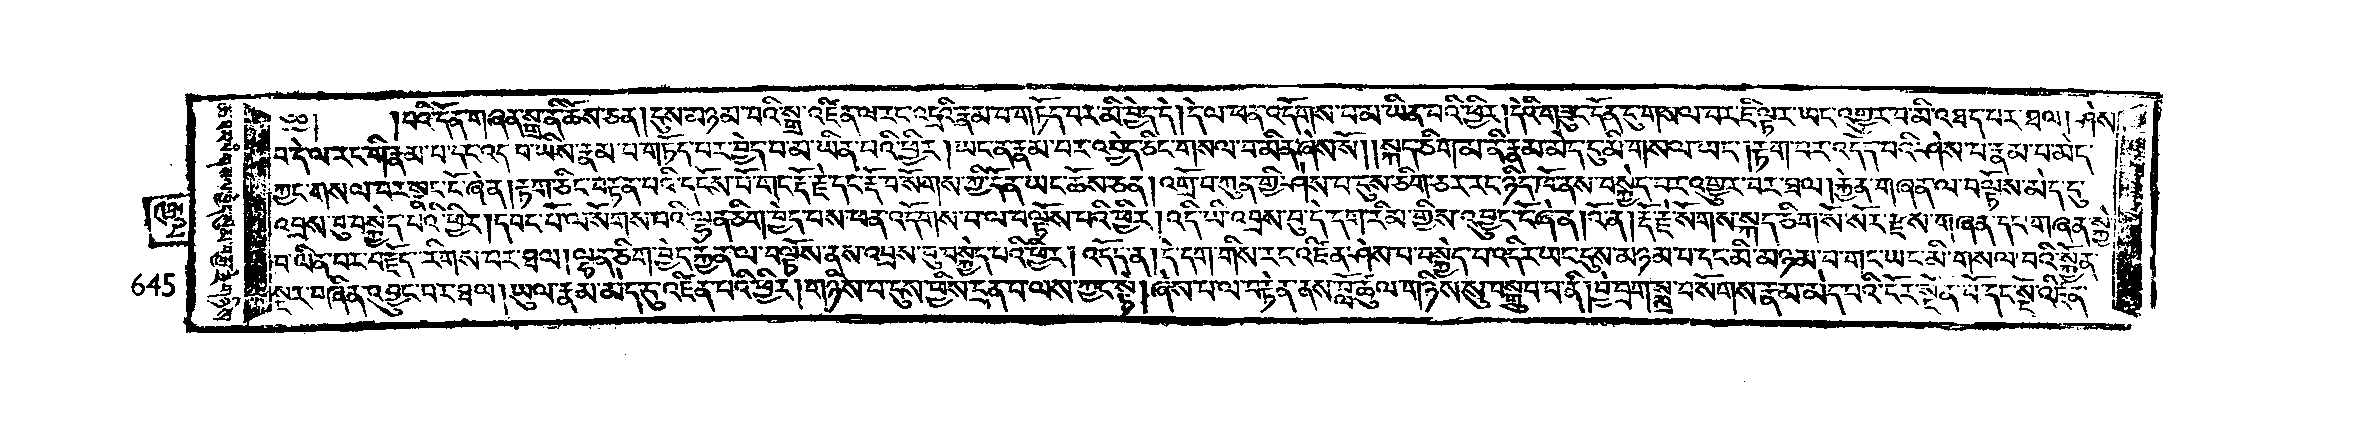༄༅། །པའི་དོན་གཞན་སྒྲ་ནི་ཆོས་ཅན། དུས་མཉམ་པའི་སྒྲ་འཛིན་ལ་རང་འདྲའི་རྣམ་པ་གཏོད་པར་མི་བྱེད་དེ། དེ་ལ་ཕན་འདོགས་པ་མ་ཡིན་པའི་ཕྱིར། དེའི་གཟུང་དོན་དུ་གསལ་བར་ཇི་ལྟར་ཡང་འགྱུར་བ་མི་འཐད་པར་ཐལ། ཤེས་
པ་དེ་ལ་རང་གི་རྣམ་པ་དང་འདྲ་བ་?་ཡིས་རྣམ་པ་གཏོད་པར་བྱེད་པ་མ་ཡིན་པའི་ཕྱིར། ཡང་ན་རྣམ་པར་འབྱེད་ཅིང་གསལ་བ་མིན་ཞེས་སོ། །སྐད་ཅིག་མ་ནི་རྣམ་མེད་དུ་མི་གསལ་ཡང་། རྟག་པར་འདོད་པའི་ཤེས་པ་རྣམ་པ་མེད་
ཀྱང་གསལ་བར་སྣང་ངོ་ཞེ་ན། རྟག་ཅིང་བརྟན་པའི་དངོས་པོ་གང་རྡོ་རྗེ་དང་རྡོ་བ་སོགས་ཀྱི་དོན་ཡང་ཆོས་ཅན། འགྲོ་བ་ཀུན་གྱི་ཤེས་པ་དུས་ཅིག་ཅར་རང་ཉིད་ཁོ་ནས་བསྐྱེད་པར་འགྱུར་བར་ཐལ། རྐྱེན་གཞན་ལ་བལྟོས་མེད་དུ་
འབྲས་བུ་བསྐྱེད་པའི་ཕྱིར། དབང་པོ་ལ་སོགས་པའི་ལྷན་ཅིག་བྱེད་པས་ཕན་འདོགས་པ་ལ་བལྟོས་པའི་ཕྱིར། འདི་ཡི་འབྲས་བུ་དེ་དག་རིམ་གྱིས་འབྱུང་ངོ་ཞེ་ན། འོ་ན། རྡོ་རྗེ་སོགས་སྐད་ཅིག་སོ་སོར་རྫས་གཞན་དང་གཞན་སྐྱེ་
བ་ཡིན་པར་བརྗོད་རིགས་པར་ཐལ། ལྷན་ཅིག་བྱེད་རྐྱེན་ལ་བལྟོས་ནས་འབྲས་བུ་བསྐྱེད་པའི་ཕྱིར། འདོད་ན། དེ་དག་གིས་རང་འཛིན་ཤེས་པ་བསྐྱེད་པ་འདིར་ཡང་དུས་མཉམ་པ་དང་མི་མཉམ་པ་གང་ཡང་མི་གསལ་བའི་སྐྱོན་
སྔར་བཞིན་འབྱུང་བར་ཐལ། ཡུལ་རྣམ་མེད་དུ་འཛིན་པའི་ཕྱིར། གཉིས་པ་དུས་ཕྱིས་དྲན་པ་ལས་ཀྱང་སྟེ། ཞེས་པ་ལ་བརྟེན་ནས་བློ་ཚུལ་གཉིས་སུ་བསྒྲུབ་པ་ནི། བྱེ་བྲག་སྨྲ་བ་སོགས་རྣམ་མེད་པའི་ངོར་སྔོན་པོ་དང་སྔོ་འཛིན་